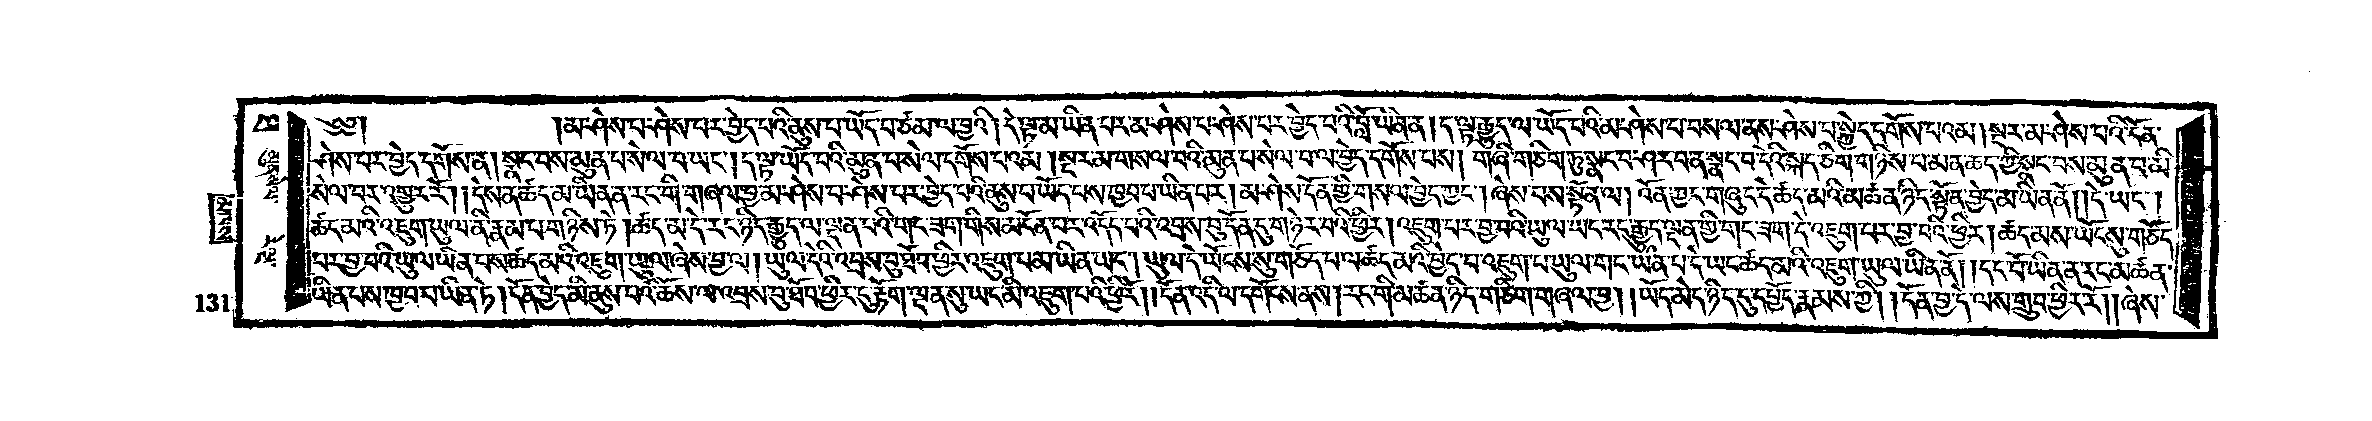༄༅། །མ་ཤེས་པ་ཤེས་པར་བྱེད་པའི་ནུས་པ་ཡོད་པ་ཙམ་ལ་བྱའི། དེ་ལྟ་མ་ཡིན་པར་མ་ཤེས་པ་ཤེས་པར་བྱེད་པའི་བློ་ཡིན་ན། ད་ལྟ་རྒྱུད་ལ་ཡོད་པའི་མ་ཤེས་པ་བསལ་ནས་ཤེས་པ་སྐྱེད་དགོས་པའམ། སྔར་མ་ཤེས་པའི་དོན་
ཤེས་པར་བྱེད་དགོས་ན། སྣང་བས་མུན་པ་སེལ་བ་ཡང་། ད་ལྟ་ཡོད་པའི་མུན་པ་སེལ་དགོས་པའམ། སྔར་མ་གསལ་བའི་མུན་པ་སེལ་བ་ལ་བྱེད་དགོས་པས། གཞི་གཅིག་ཏུ་སྣང་བ་ཤར་བ་ན་སྣང་བ་དེའི་སྐད་ཅིག་གཉིས་པ་མན་ཆད་ཀྱི་སྣང་བས་མུན་པ་མི་
སེལ་བར་འགྱུར་རོ། །དེས་ན་ཚད་མ་ཡིན་ན་རང་གི་གཞལ་བྱ་མ་ཤེས་པ་ཤེས་པར་བྱེད་པའི་ནུས་པ་ཡོད་པས་ཁྱབ་པ་ཡིན་པར། མ་ཤེས་དོན་གྱི་གསལ་བྱེད་ཀྱང་། ཞེས་པས་སྟེན་ལ། འོན་ཀྱང་གཞུང་དེ་ཚད་མའི་མཚན་ཉིད་སྟོན་བྱེད་མ་ཡིན་ནོ། །དེ་ཡང་།
ཚད་མའི་འཇུག་ཡུལ་ནི་རྣམ་པ་གཉིས་ཏེ། ཚད་མ་དེ་རང་ཉིད་རྒྱུད་ལ་ལྡན་པའི་གང་ཟག་གིས་མངོན་པར་འདོད་པའི་འབྲས་བུ་དོན་དུ་གཉེར་བའི་ཕྱིར། འཇུག་པར་བྱ་བའི་ཡུལ་ཡང་རང་རྒྱུད་ལྡན་གྱི་གང་ཟག་དེ་འཇུག་པར་བྱ་བའི་ཕྱིར། ཚད་མས་ཡོངས་སུ་གཅོད་
པར་བྱ་བའི་ཡུལ་ཡིན་པས་ཚད་མའི་འཇུག་ཡུལ་ཞེས་བྱ་ལ། ཡུལ་དེའི་འབྲས་བུ་ཐོབ་ཕྱིར་འཇུག་པ་མ་ཡིན་ཡང་། ཡུལ་དེ་ཡོངས་སུ་གཅོད་པ་ལ་ཚད་མའི་བྱེད་པ་འཇུག་པ་ཡུལ་གང་ཡིན་པ་དེ་ཡང་ཚད་མའི་འཇུག་ཡུལ་ཡིན་ནོ། །དང་པོ་ཡིན་ན་རང་མཚན་
ཡིན་པས་ཁྱབ་པ་ཡིན་ཏེ། དོན་བྱེད་མི་ནུས་པའི་ཆོས་ལ་འབྲས་བུ་ཐོབ་ཕྱིར་དུ་རྟོག་ལྡན་སུ་ཡང་མི་འཇུག་པའི་ཕྱིར་རོ། །དོན་འདི་ལ་དགོངས་ནས། རང་གི་མཚན་ཉིད་གཅིག་གཞལ་བྱ། །ཡོད་མེད་ཉིད་དུ་དཔྱོད་རྣམས་ཀྱི། །དོན་བྱ་དེ་ལས་གྲུབ་ཕྱིར་རོ། །ཞེས་